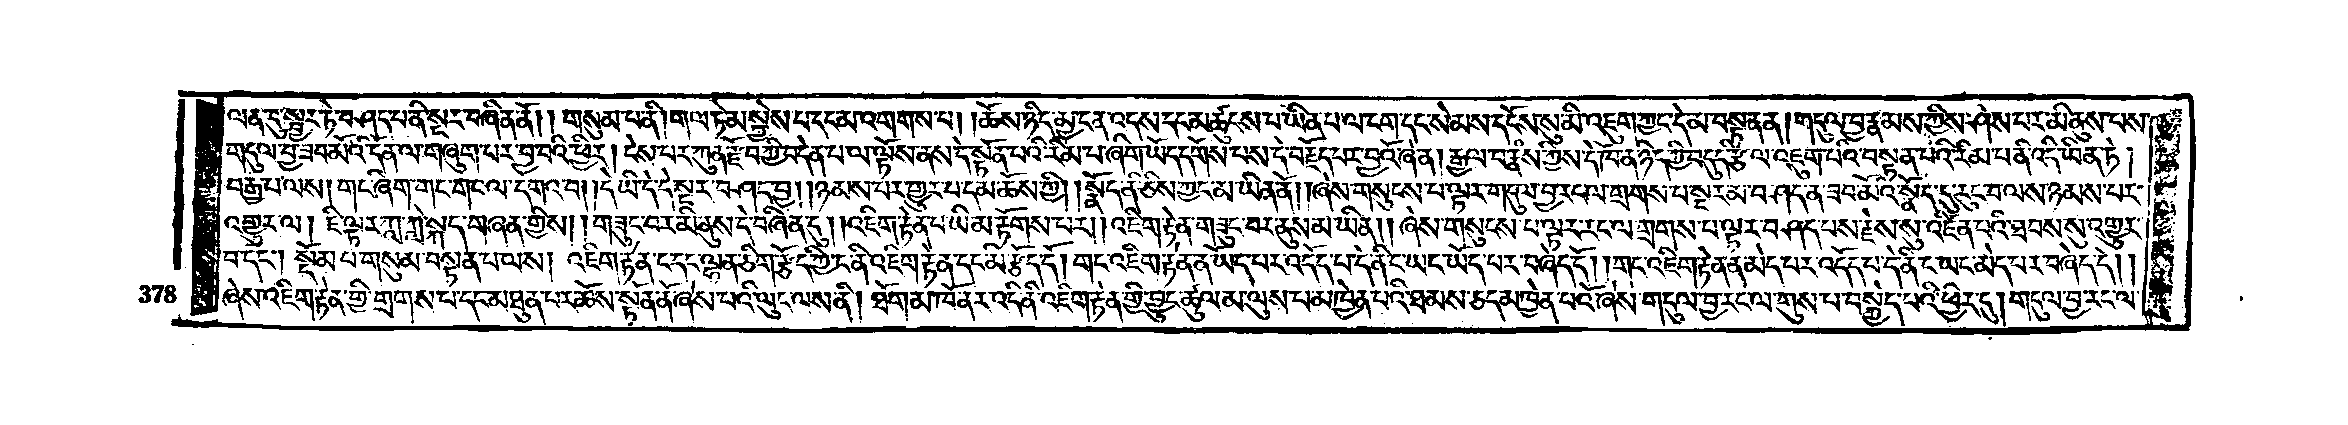ལན་དུ་སྦྱར་ཏེ་བཤད་པ་ནི་སྔར་བཞིན་ནོ། །གསུམ་པ་ནི། གལ་ཏེ་མ་སྐྱེས་པ་དང་མ་འགགས་པ། །ཆོས་ཉིད་མྱ་ངན་འདས་དང་མཚུངས་པ་ཡིན་པ་ལ་ངག་དང་སེམས་དངོས་སུ་མི་འཇུག་ཀྱང་དེ་མ་བསྟན་ན། གདུལ་བྱ་རྣམས་ཀྱིས་ཤེས་པར་མི་ནུས་པས་
གདུལ་བྱ་ཟབ་མོའི་དོན་ལ་གཞུག་པར་བྱ་བའི་ཕྱིར། ངེས་པར་ཀུན་རྫོབ་ཀྱི་བདེན་པ་ལ་ལྟོས་ནས་དེ་སྟོན་པའི་རིམ་པ་ཞིག་ཡོད་དགོས་པས་དེ་བརྗོད་པར་བྱའོ་ཞེས་ན། རྒྱལ་བ་རྣཾས་ཀྱིས་དེ་ཁོ་ན་ཉིད་ཀྱི་བདུད་རྩི་ལ་འཇུག་པའི་བསྟན་པའི་རིམ་པ་ནི་འདི་ཡིན་ཏེ།
བརྒྱ་པ་ལས། གང་ཞིག་གང་གང་ལ་དགའ་བ། །དེ་ཡི་དེ་དེ་སྔར་བཤད་བྱ། །ཉམས་པར་གྱུར་པ་དམ་ཆོས་ཀྱི། །སྣོད་ནི་ཅིས་ཀྱང་མ་ཡིན་ནོ། །ཞེས་གསུངས་པ་ལྟར་གདུལ་བྱ་རང་ལ་གྲགས་པ་སྔར་མ་བཤད་ན་ཟབ་མོའི་སྣོད་དུ་རུང་བ་ལས་ཉམས་པར་
འགྱུར་ལ། ཇི་ལྟར་ཀླ་ཀློ་སྐད་གཞན་གྱིས། །གཟུང་བར་མི་ནུས་དེ་བཞིན་དུ། །འཇིག་རྟེན་པ་ཡི་མ་རྟོགས་པར། །འཇིག་རྟེན་གཟུང་བར་ནུས་མ་ཡིན། །ཞེས་གསུངས་པ་ལྟར་རང་ལ་གྲགས་པ་ལྟར་བཤད་པས་རྗེས་སུ་འཛིན་པའི་ཐབས་སུ་འགྱུར་
བ་དང་། སྡོམ་པ་གསུམ་བསྟན་པ་ལས། འཇིག་རྟེན་ང་དང་ལྷན་ཅིག་རྩོད་ཀྱི་ང་ནི་འཇིག་རྟེན་དང་མི་རྩོད་དོ། གང་འཇིག་རྟེན་ན་ཡོད་པར་འདོད་པ་དེ་ནི་ང་ཡང་ཡོད་པར་བཞེད་དོ། །གང་འཇིག་རྟེན་ན་མེད་པར་འདོད་པ་དེ་ནི་ང་ཡང་མེད་པར་བཞེད་དེ། །
ཞེས་འཇིག་རྟེན་གྱི་གྲགས་པ་དང་མཐུན་པར་ཆོས་སྟོན་ནོ་ཞེས་པའི་ལུང་ལས་ནི། ཐོག་མ་ཁོ་ནར་འདི་ནི་འཇིག་རྟེན་གྱི་བྱུང་ཚུལ་མ་ལུས་པ་མཁྱེན་པའི་ཐམས་ཅད་མཁྱེན་པའོ་ཞེས་གདུལ་བྱ་རང་ལ་གུས་པ་བསྐྱེད་པའི་ཕྱིར་དུ། གདུལ་བྱ་རང་ལ་